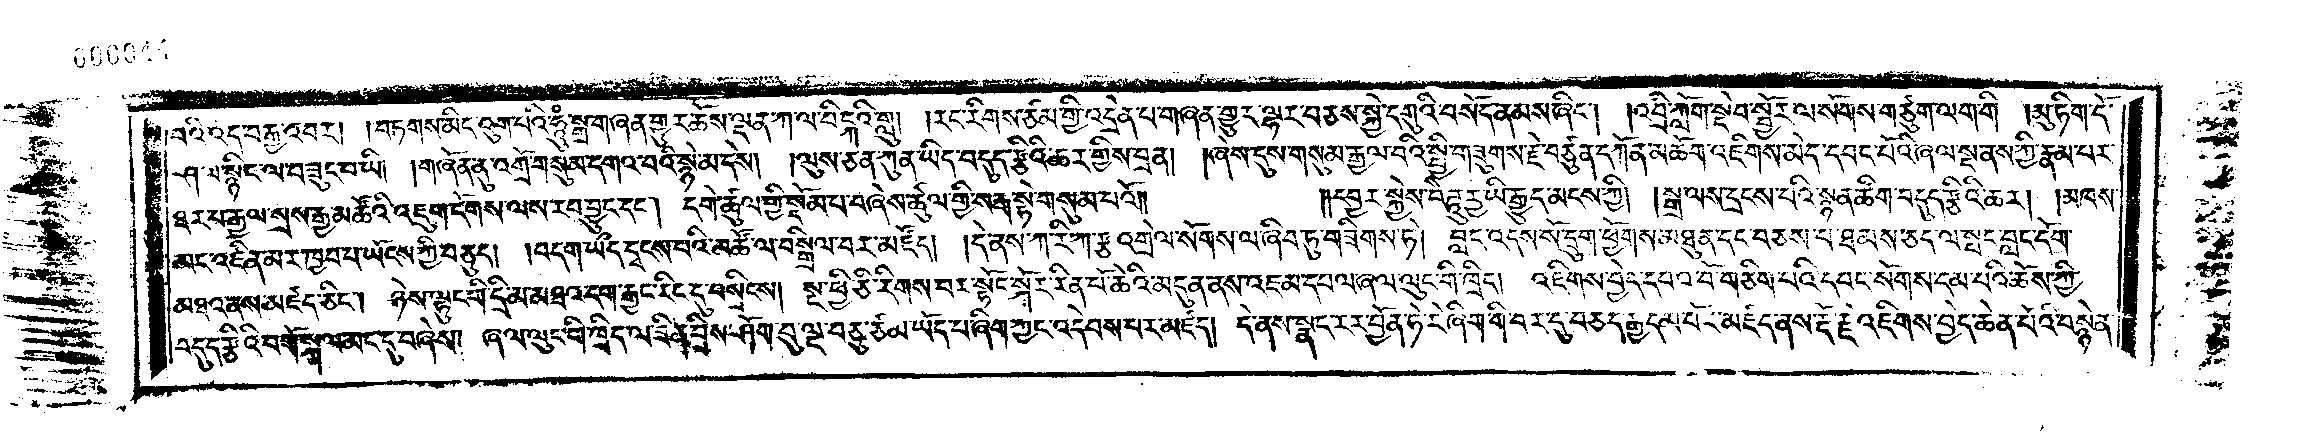བའི་འོད་བརྒྱ་འབར། །བཏགས་མིང་འུག་པའི་ཧཱུཾ་སྒྲ་གཞན་གྱུར་ཆོས་ལྡན་ཀ་ལ་པིང་ཀའི་གླུ། །རང་རིགས་ཙམ་གྱི་འདྲེན་པ་གཞན་གྱུར་ལྷར་བཅས་སྐྱེ་དགུའི་བསོད་ནམས་ཞིང་། །འབྲི་ཀློག་སྡེབ་སྦྱོར་ལ་སོགས་གཙུག་ལག་གི །མུ་ཏིག་དོ་
ཤལ་སྙིང་ལ་བཟུང་བ་ཡི། །གཞོན་ནུ་འགྲོ་གསུམ་དགའ་བའི་སྙེ་མ་དེས། །ལུས་ཅན་ཀུན་ཡིད་བདུད་རྩིའི་ཆར་གྱིས་བྲན། །ཞེས་དུས་གསུམ་རྒྱལ་བའི་སྤྱི་གཟུགས་རྗེ་བཙུན་དཀོན་མཆོག་འཇིགས་མེད་དབང་པོའི་ཞལ་སྔ་ནས་ཀྱི་རྣམ་པར་
ཐར་པ་རྒྱལ་སྲས་རྒྱ་མཚོའི་འཇུག་དོགས་ལས་རབ་བྱུང་དང་། དགེ་ཚུལ་གྱི་སྡོམ་པ་བཞེས་ཚུལ་གྱི་ས་རྒ་སྟེ་གསུམ་པའོ།། །།དབྱར་སྐྱེས་བཻཌཱུརྱ་ཡི་རྒྱུད་མངས་ཀྱི། །སྒྲ་ལས་དྲངས་པའི་སྙན་ཚིག་བདུད་རྩིའི་ཆར། །མཁས་
མང་འཛིན་མར་ཁྱབ་པ་ཡོངས་ཀྱི་བཅུད། །བདག་ཡྀད་དྭངས་པའི་མཚོ་ལ་བསྒྲིལ་བར་མཛོད། །དེ་ནས་ཀ་རི་ཀ་རྩ་འགྲེལ་སོགས་ལ་ཞིབ་ཏུ་གཟིགས་ཏེ། བླང་འདས་སོ་དྲུག་ཕྱོགས་མཐུན་དང་བཅས་པ་ཐམས་ཅད་ལ་སྤང་བླང་དོག་
མཐའ་ནས་མཛད་ཅིང་། ཉེས་ལྟུང་གི་དྲི་མ་མཐའ་དག་རྒྱང་རིབ་དུ་བསྲིངས། སྔ་ཕྱི་ཅི་རིགས་བར་སྟོང་སྐོར་རིན་པོ་ཆེའི་མདུན་ནས་འཇམ་དཔལ་ཞལ་ལུང་གི་ཁྲིད། འཇིགས་བྱེད་དཔའ་པོ་གཅིག་པའི་དབང་སོགས་དམ་པའི་ཆོས་ཀྱི་
བདུད་རྩིའི་བགོ་སྐལ་མང་དུ་བཞེས། ཞལ་ལུང་གི་ཁྲིད་ལ་ཟིན་བྲིས་ཤོག་བུ་ལྔ་བཅུ་ཙམ་ཡོད་པ་ཞིག་ཀྱང་འདེབས་པར་མཛད། དེ་ནས་སྣང་རར་བྱོན་ཏེ་རེ་ཞིག་གི་བར་དུ་བཅད་རྒྱ་དམ་པོར་མཛད་ནས་རྡོ་རྗེ་འཇིགས་བྱེད་ཆེན་པོའི་བསྙེན་